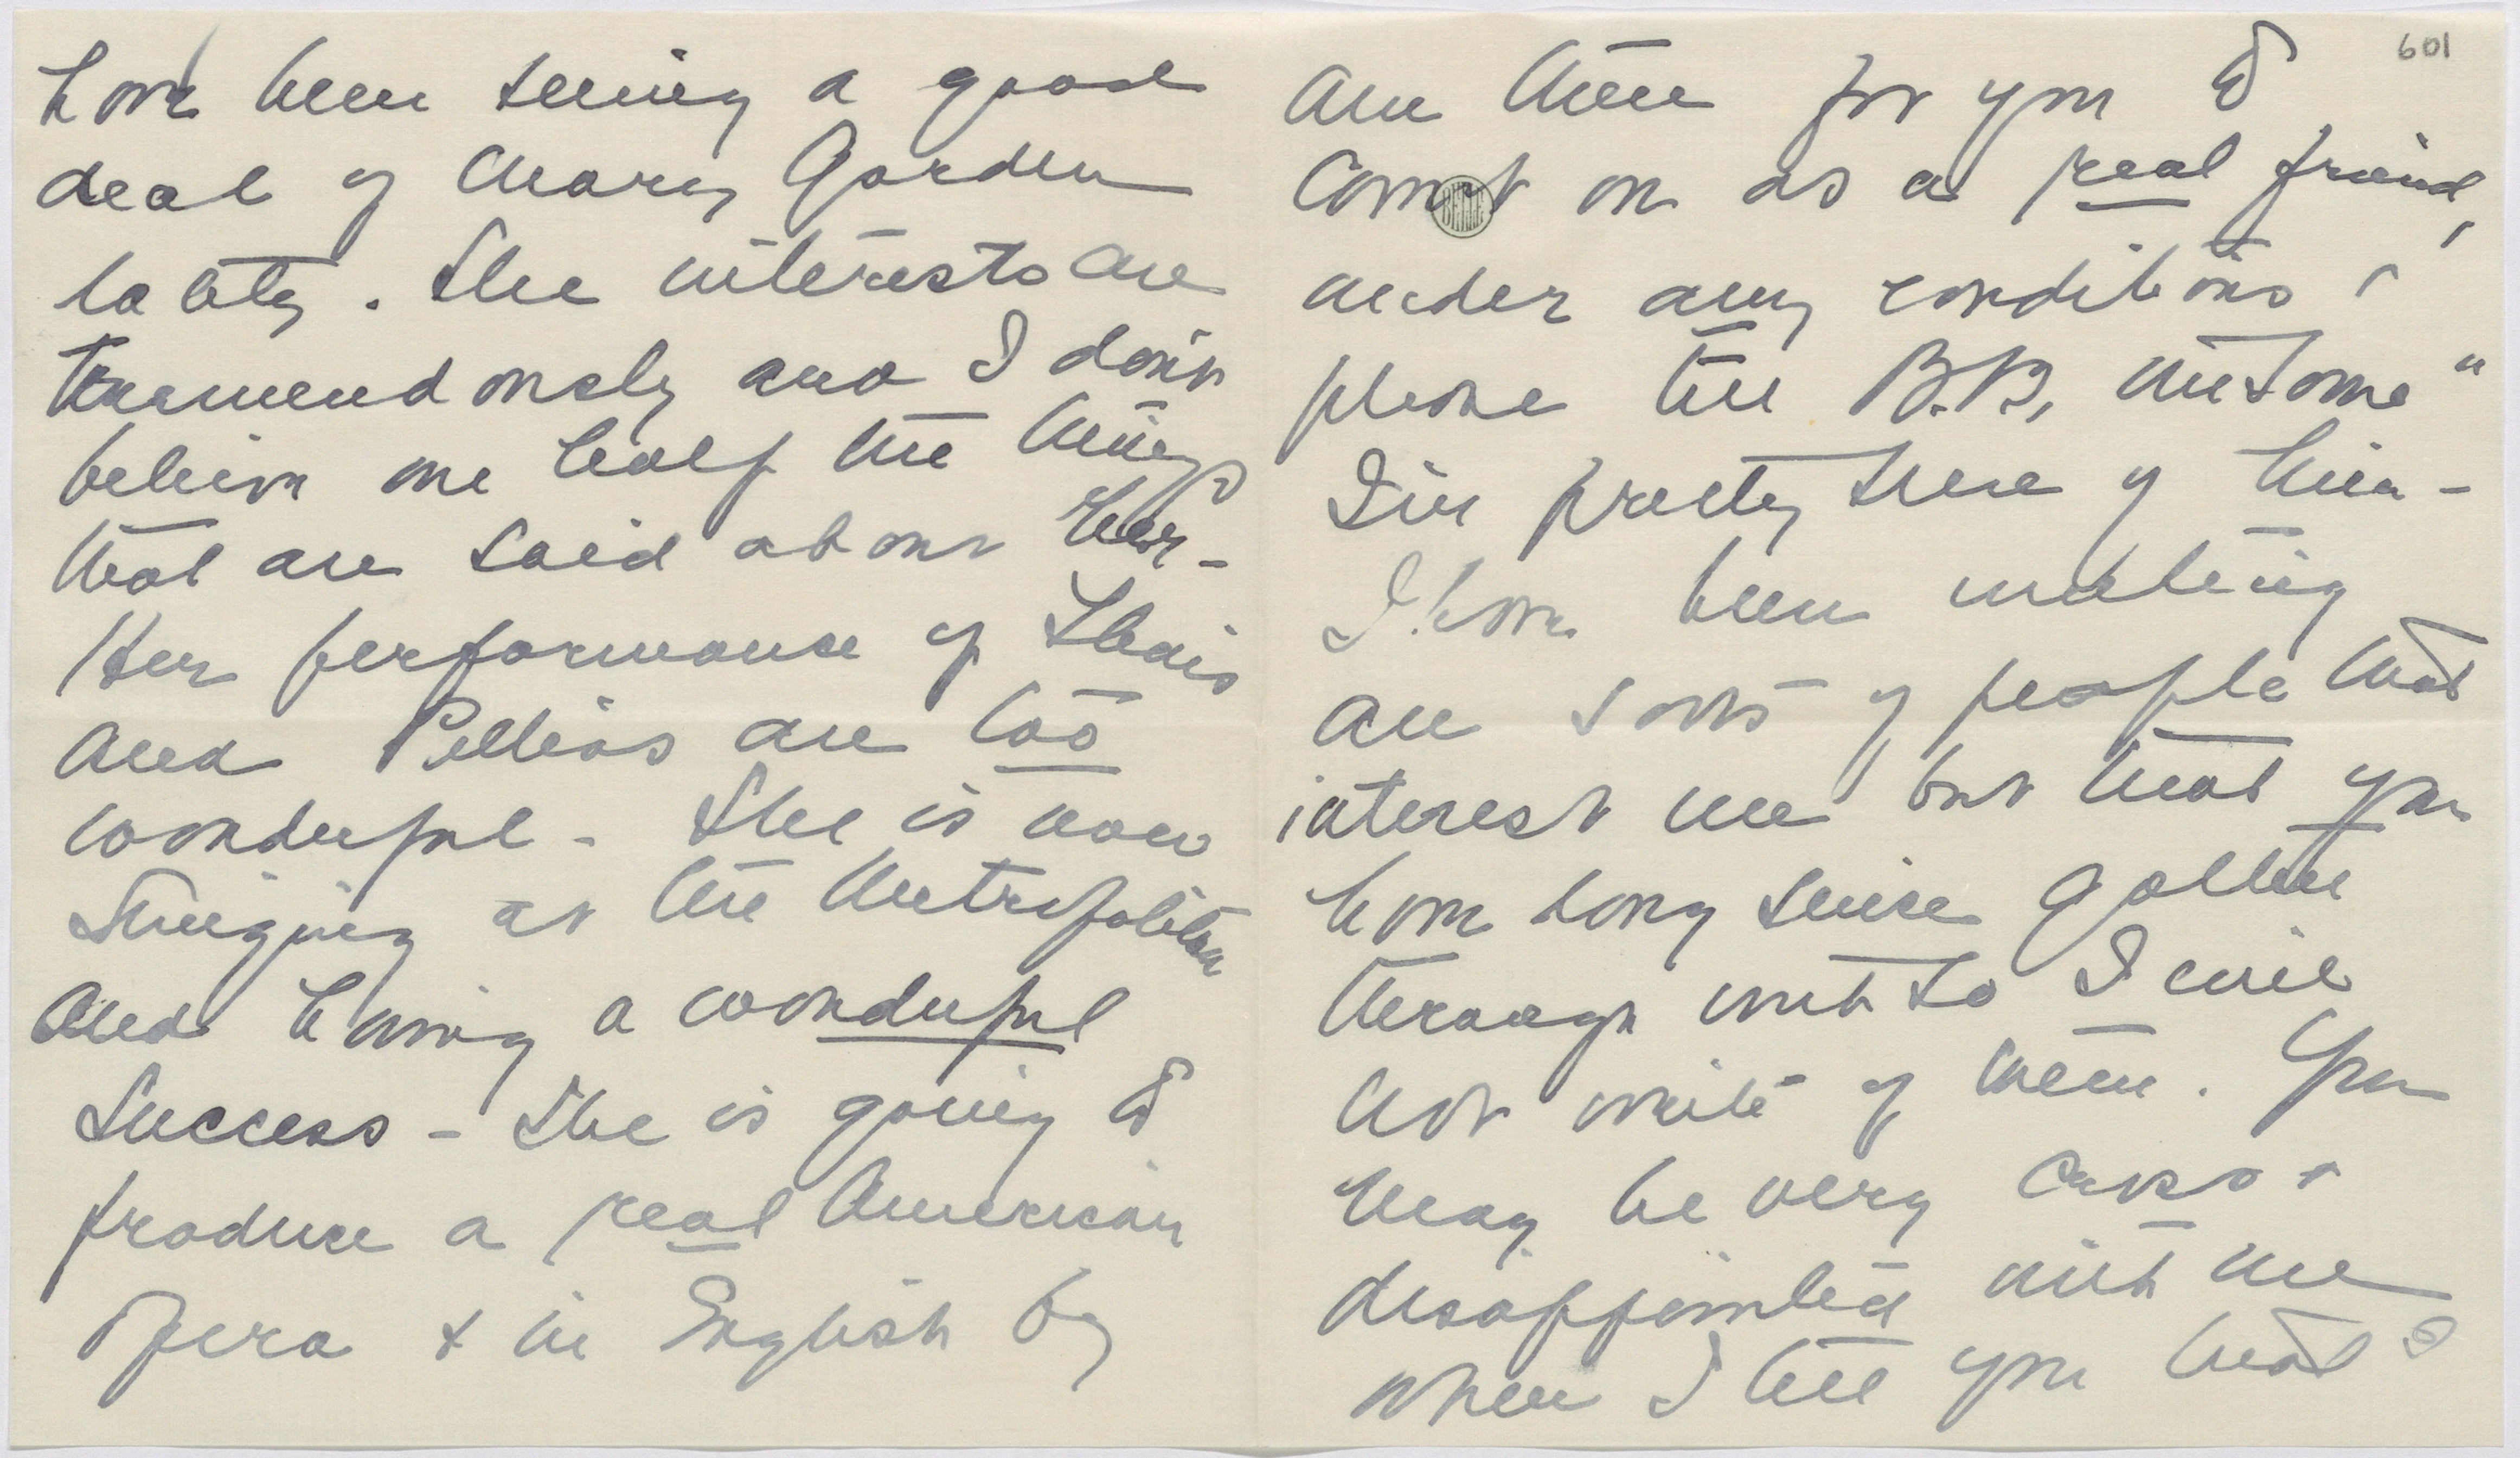am there for you to count on as a real friend, under any conditions & please tell B. B. the same”
I’m pretty sure of him –
I have been meeting all sorts of people that interest me but that you have long since gotten through with so I will not write of them. You may be very cross & disappointed with me when I tell you that I
have been seeing a good deal of Mary Garden lately. She interests me tremendously and I don’t believe one half the things that are said about her – Her performance of Thais and Pelléas are too wonderful – She is now singing at the Metropolitan and having a wonderful success – She is going to produce a real American opera & in English by